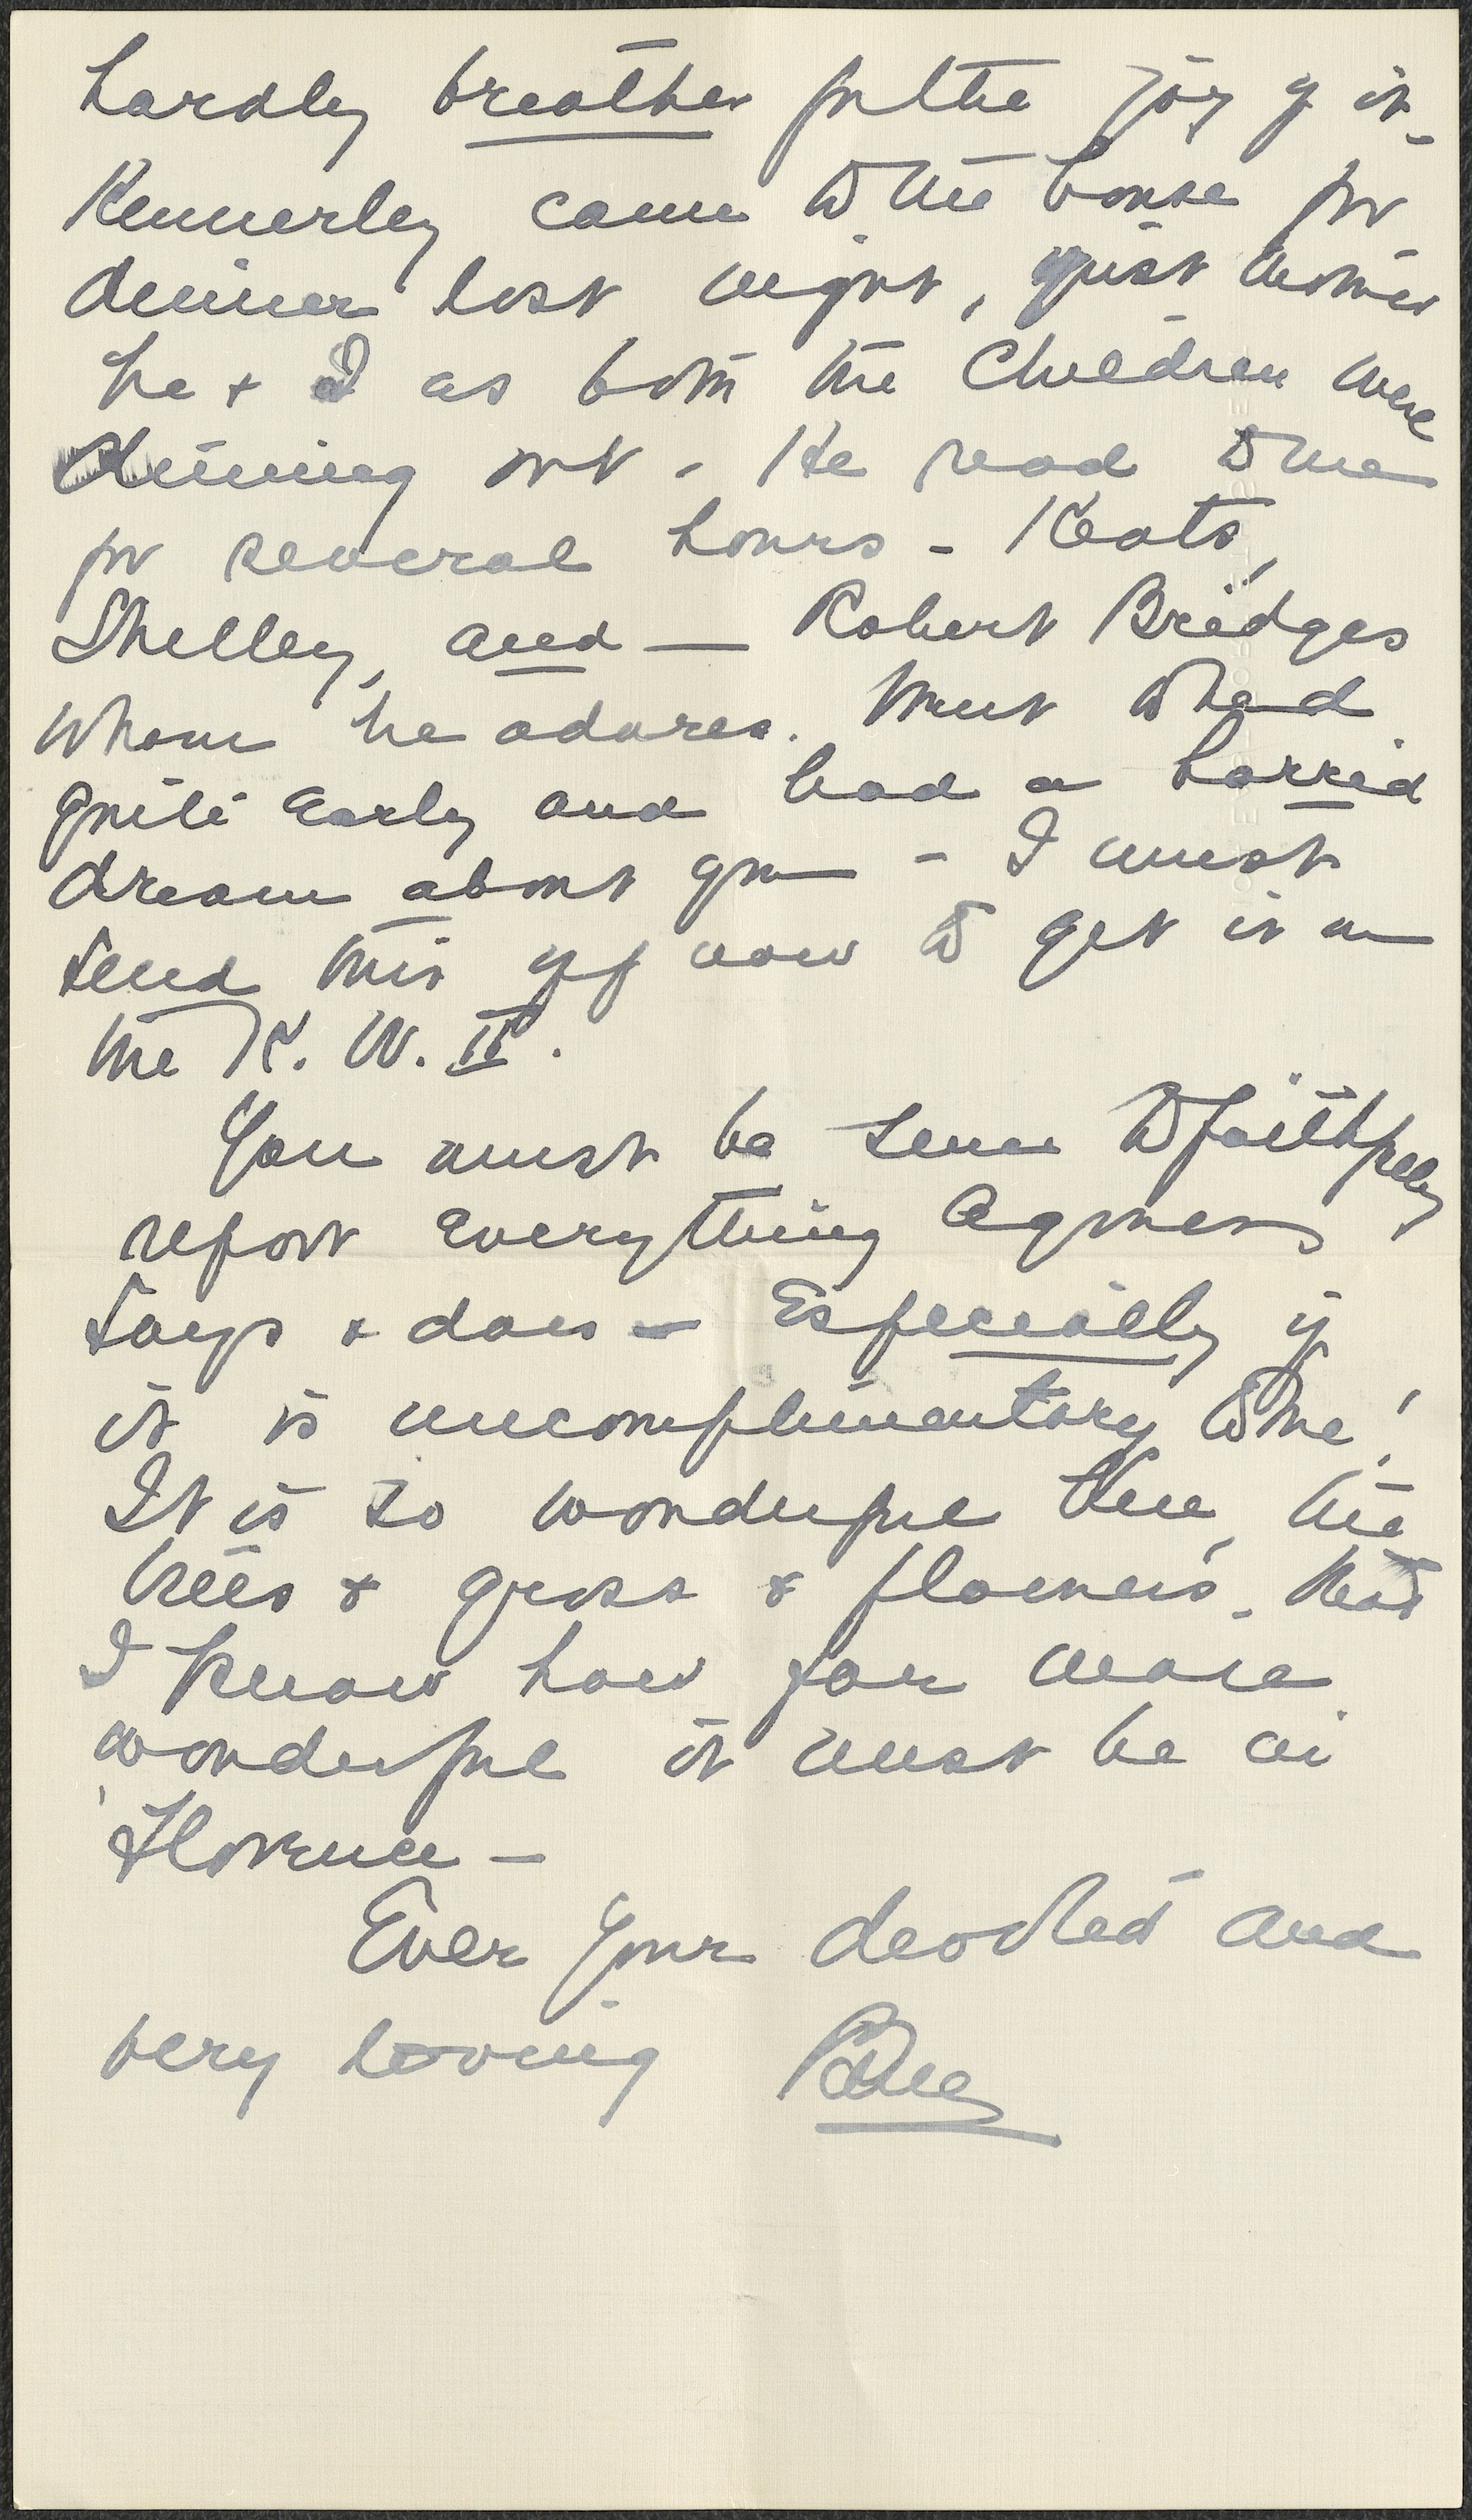hardly breathe for the joy of it – Kennerley came to the house for dinner last night, just mother he & I as both the children were dining out – He read to me for several hours – Keats, Shelley, and – Robert Bridges whom he adores. Went to bed quite early and had a horrid dream about you – I must send this off now to get it on the K.W.II.
You must be sure to faithfully report everything Agoness says & does – Especially if it is uncomplimentary to me! It is so wonderful there, the trees & grass & flowers, that I know how far more wonderful it must be in Florence –
Ever your devoted and very loving Belle